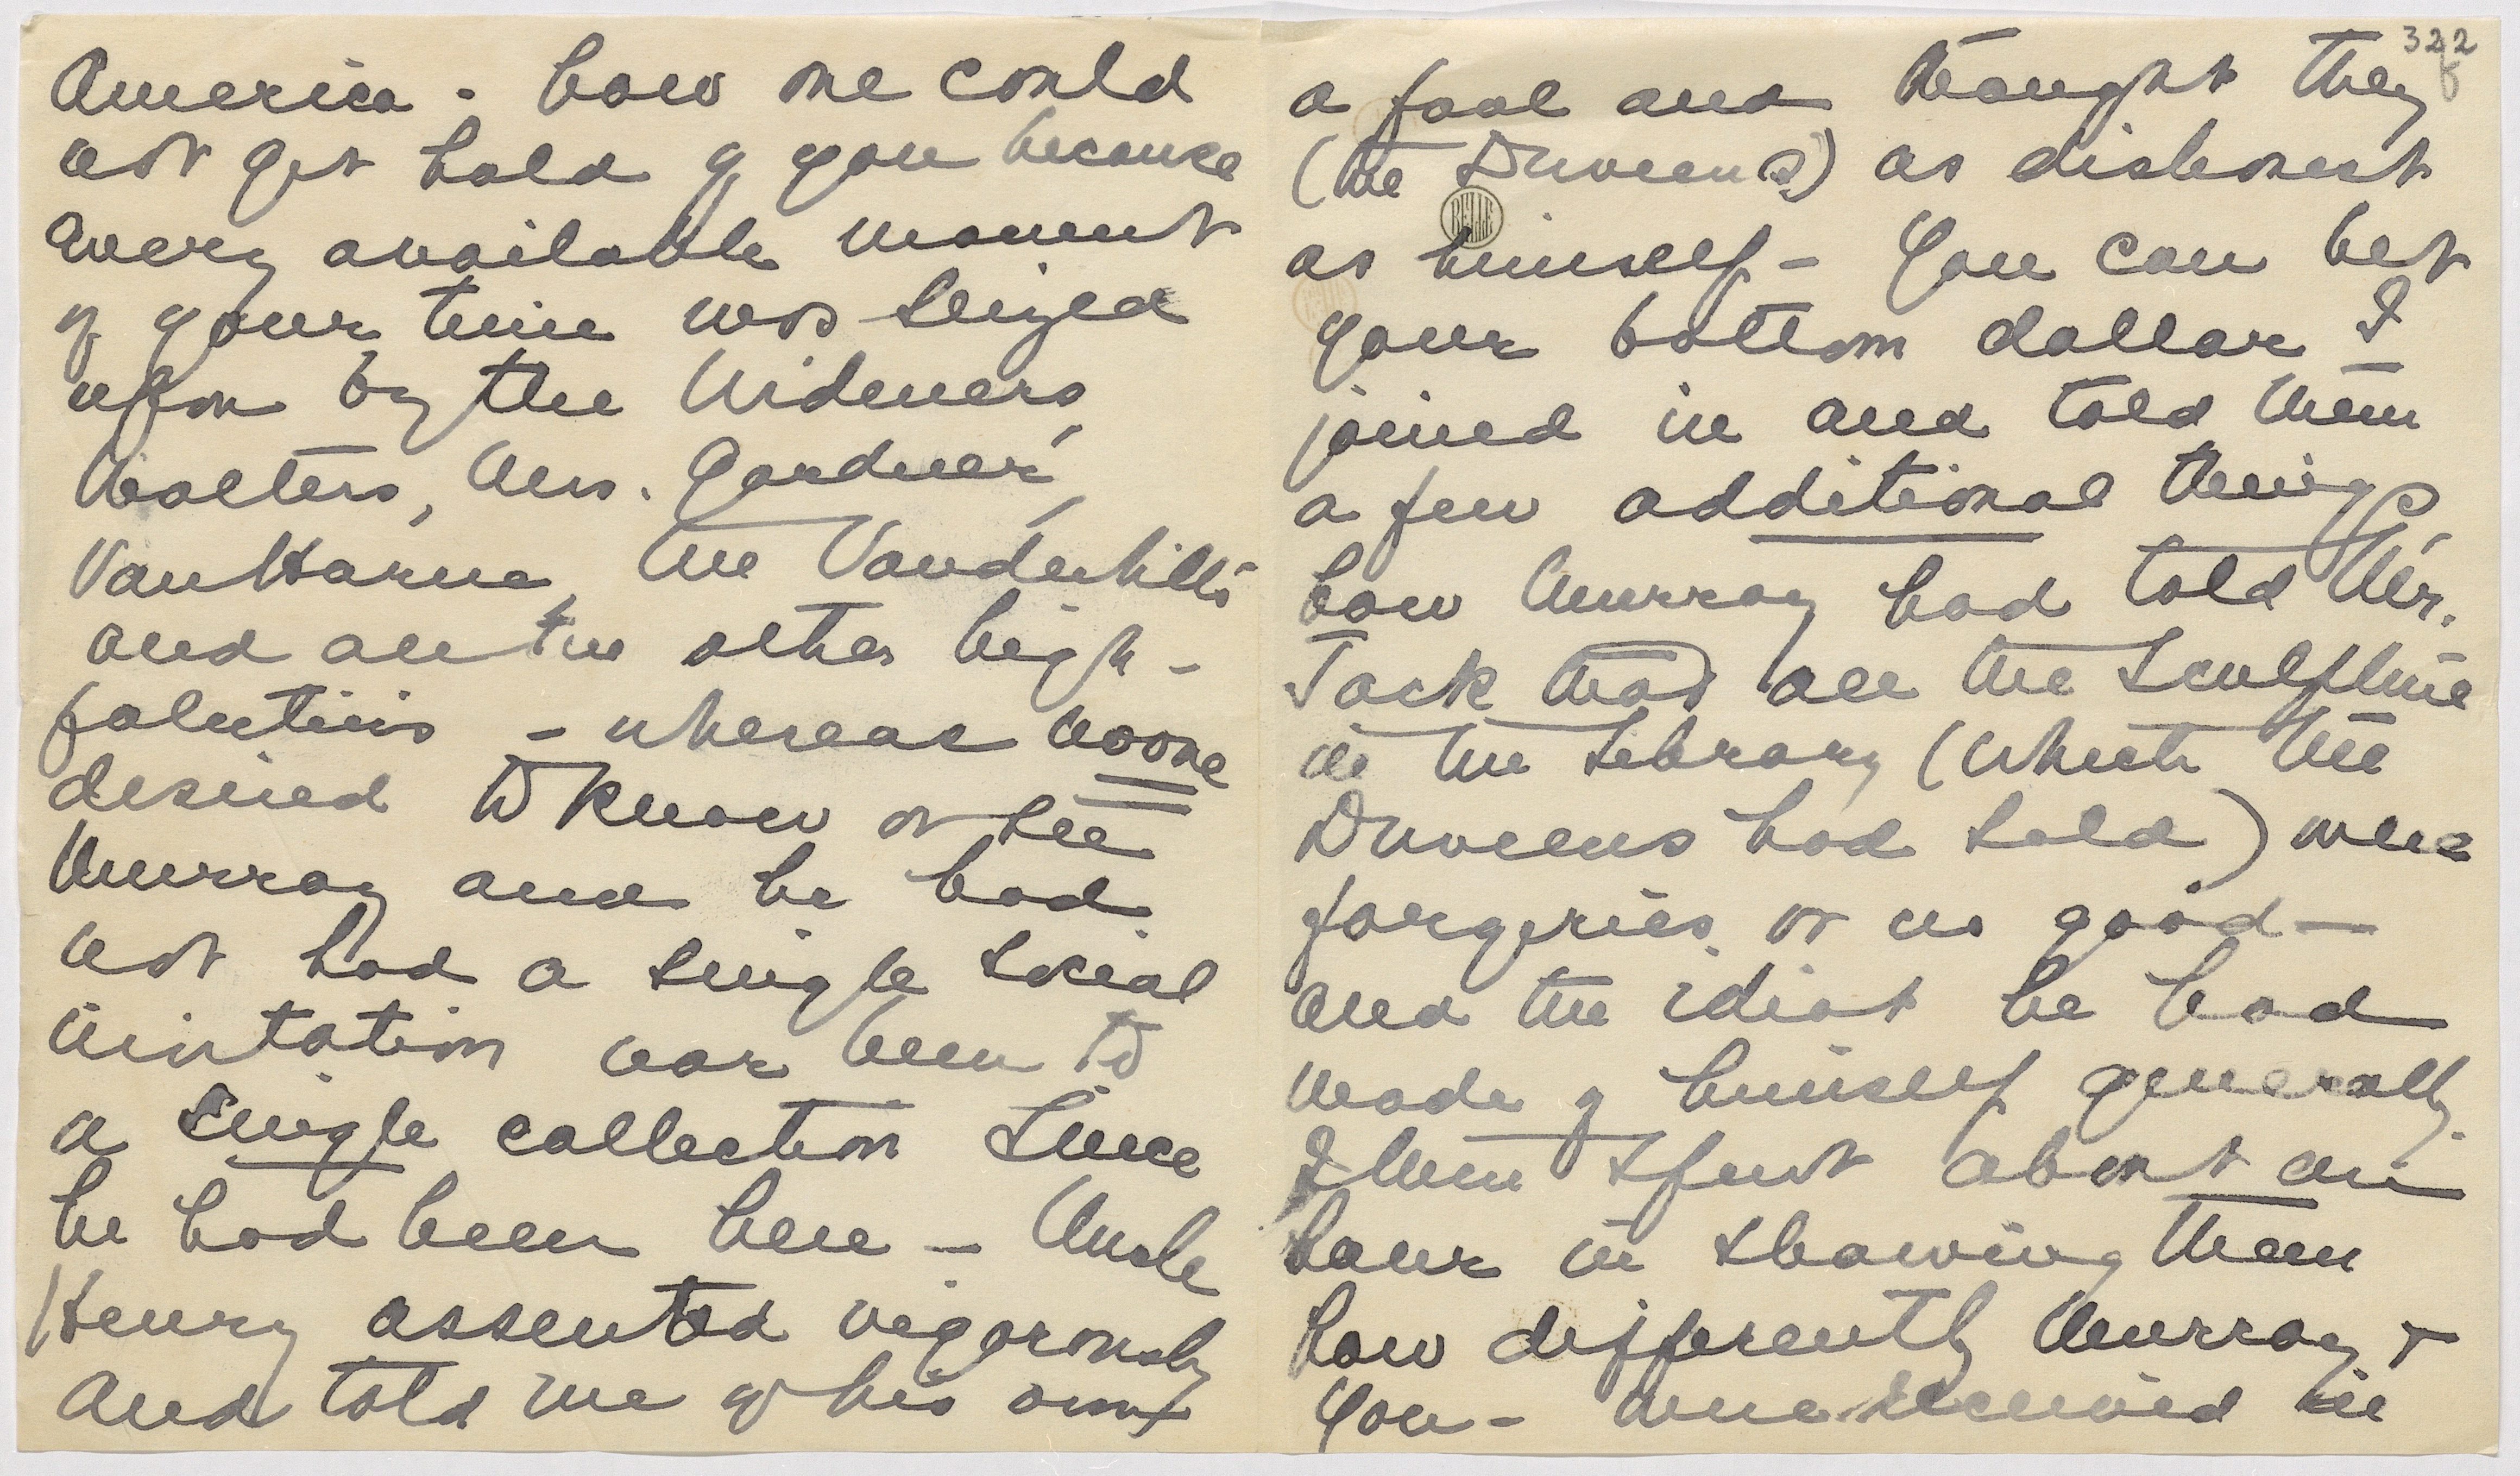a fool and thought they (the Duveens) as dishonest as himself – You can bet your bottom dollar I joined in and told them a few additional things, how Murray had told Mr. Jack that all the Sculptures in the library (which the Duveens had sold) were forgeries or no good – and the idiot he had made of himself generally – I then spent about an hour in showing them how differently Murray & You – were received in
America – how one could not get hold of you because every available moment of your time was seized upon by the Wideners, Walters, Mrs. Gardner, VanHorne, The Vanderbilts and all the other highfalutin's – whereas [double underlined: noone] [sic] desired to know or see Murray and he had not had a single social invitation nor been to a single collection since he had been here – Uncle Henry asserted vigorously and told me of his own